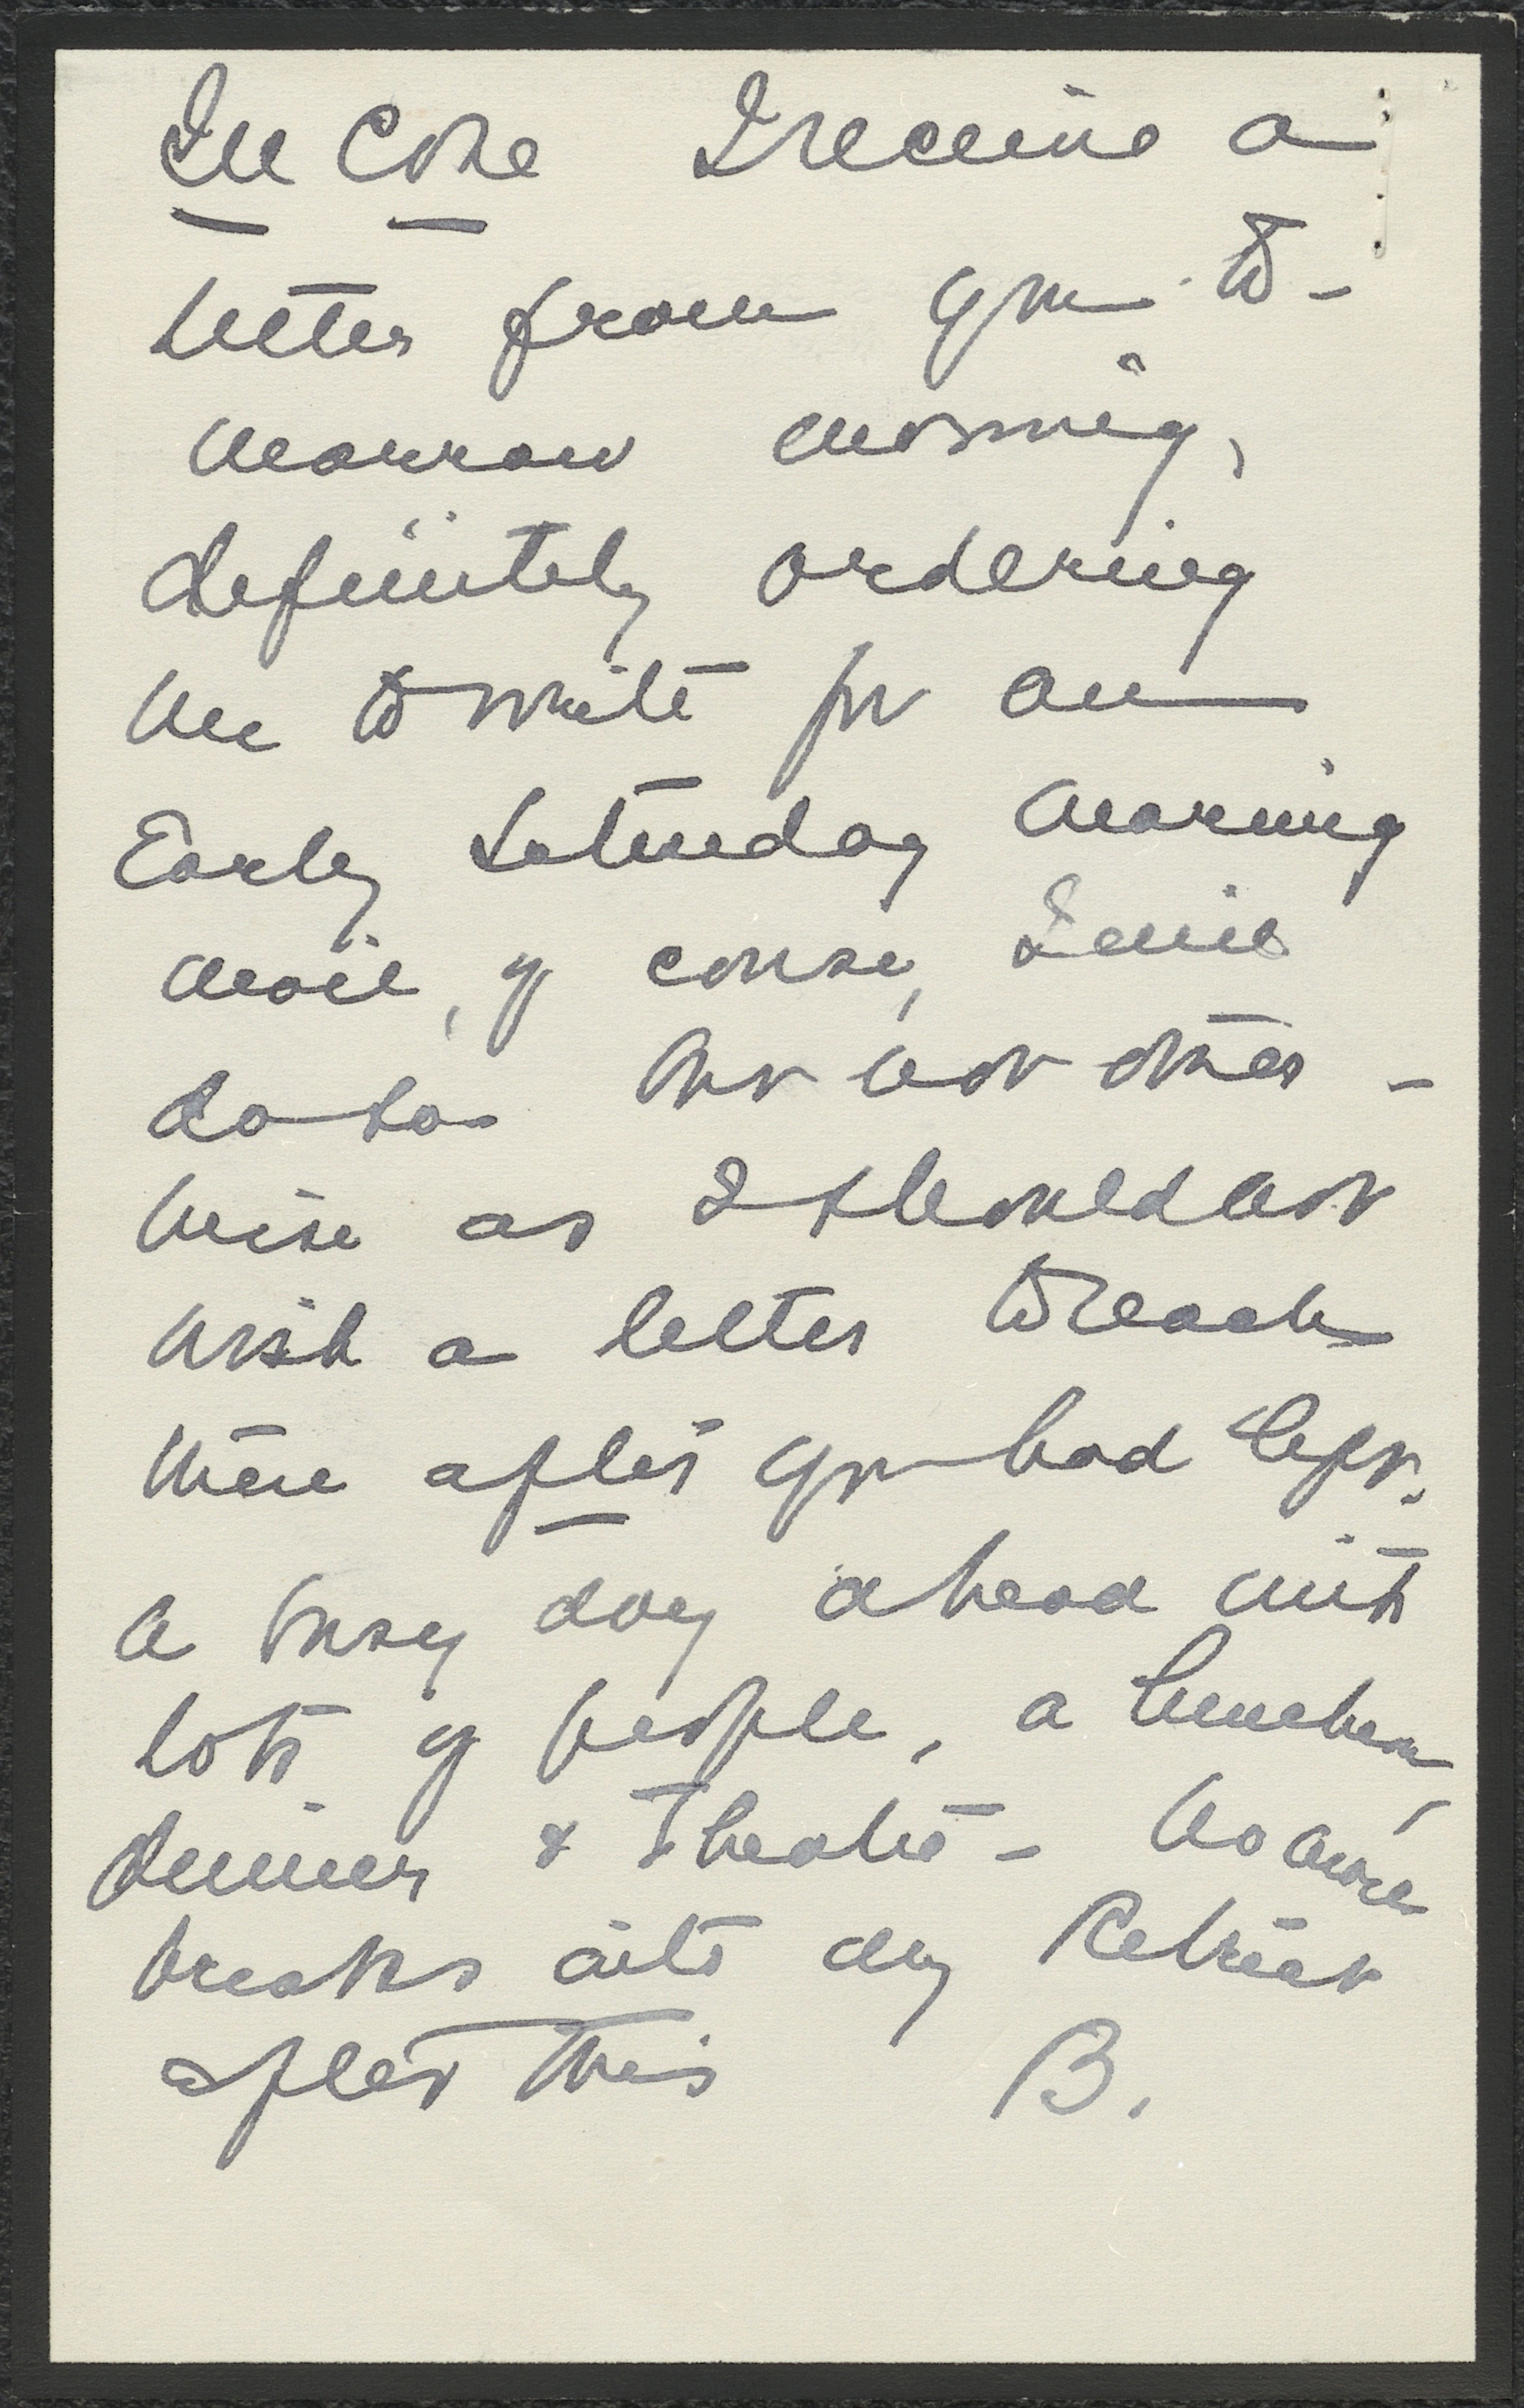In case I receive a letter from you tomorrow morning, definitely ordering me to write for an early Saturday morning mail, of course, I will do so – but not otherwise as I should not wish a letter to reach there after you had left. A busy day ahead with lots of people, a luncheon, dinner & Theatre – no more breaks into my retreat after this B.